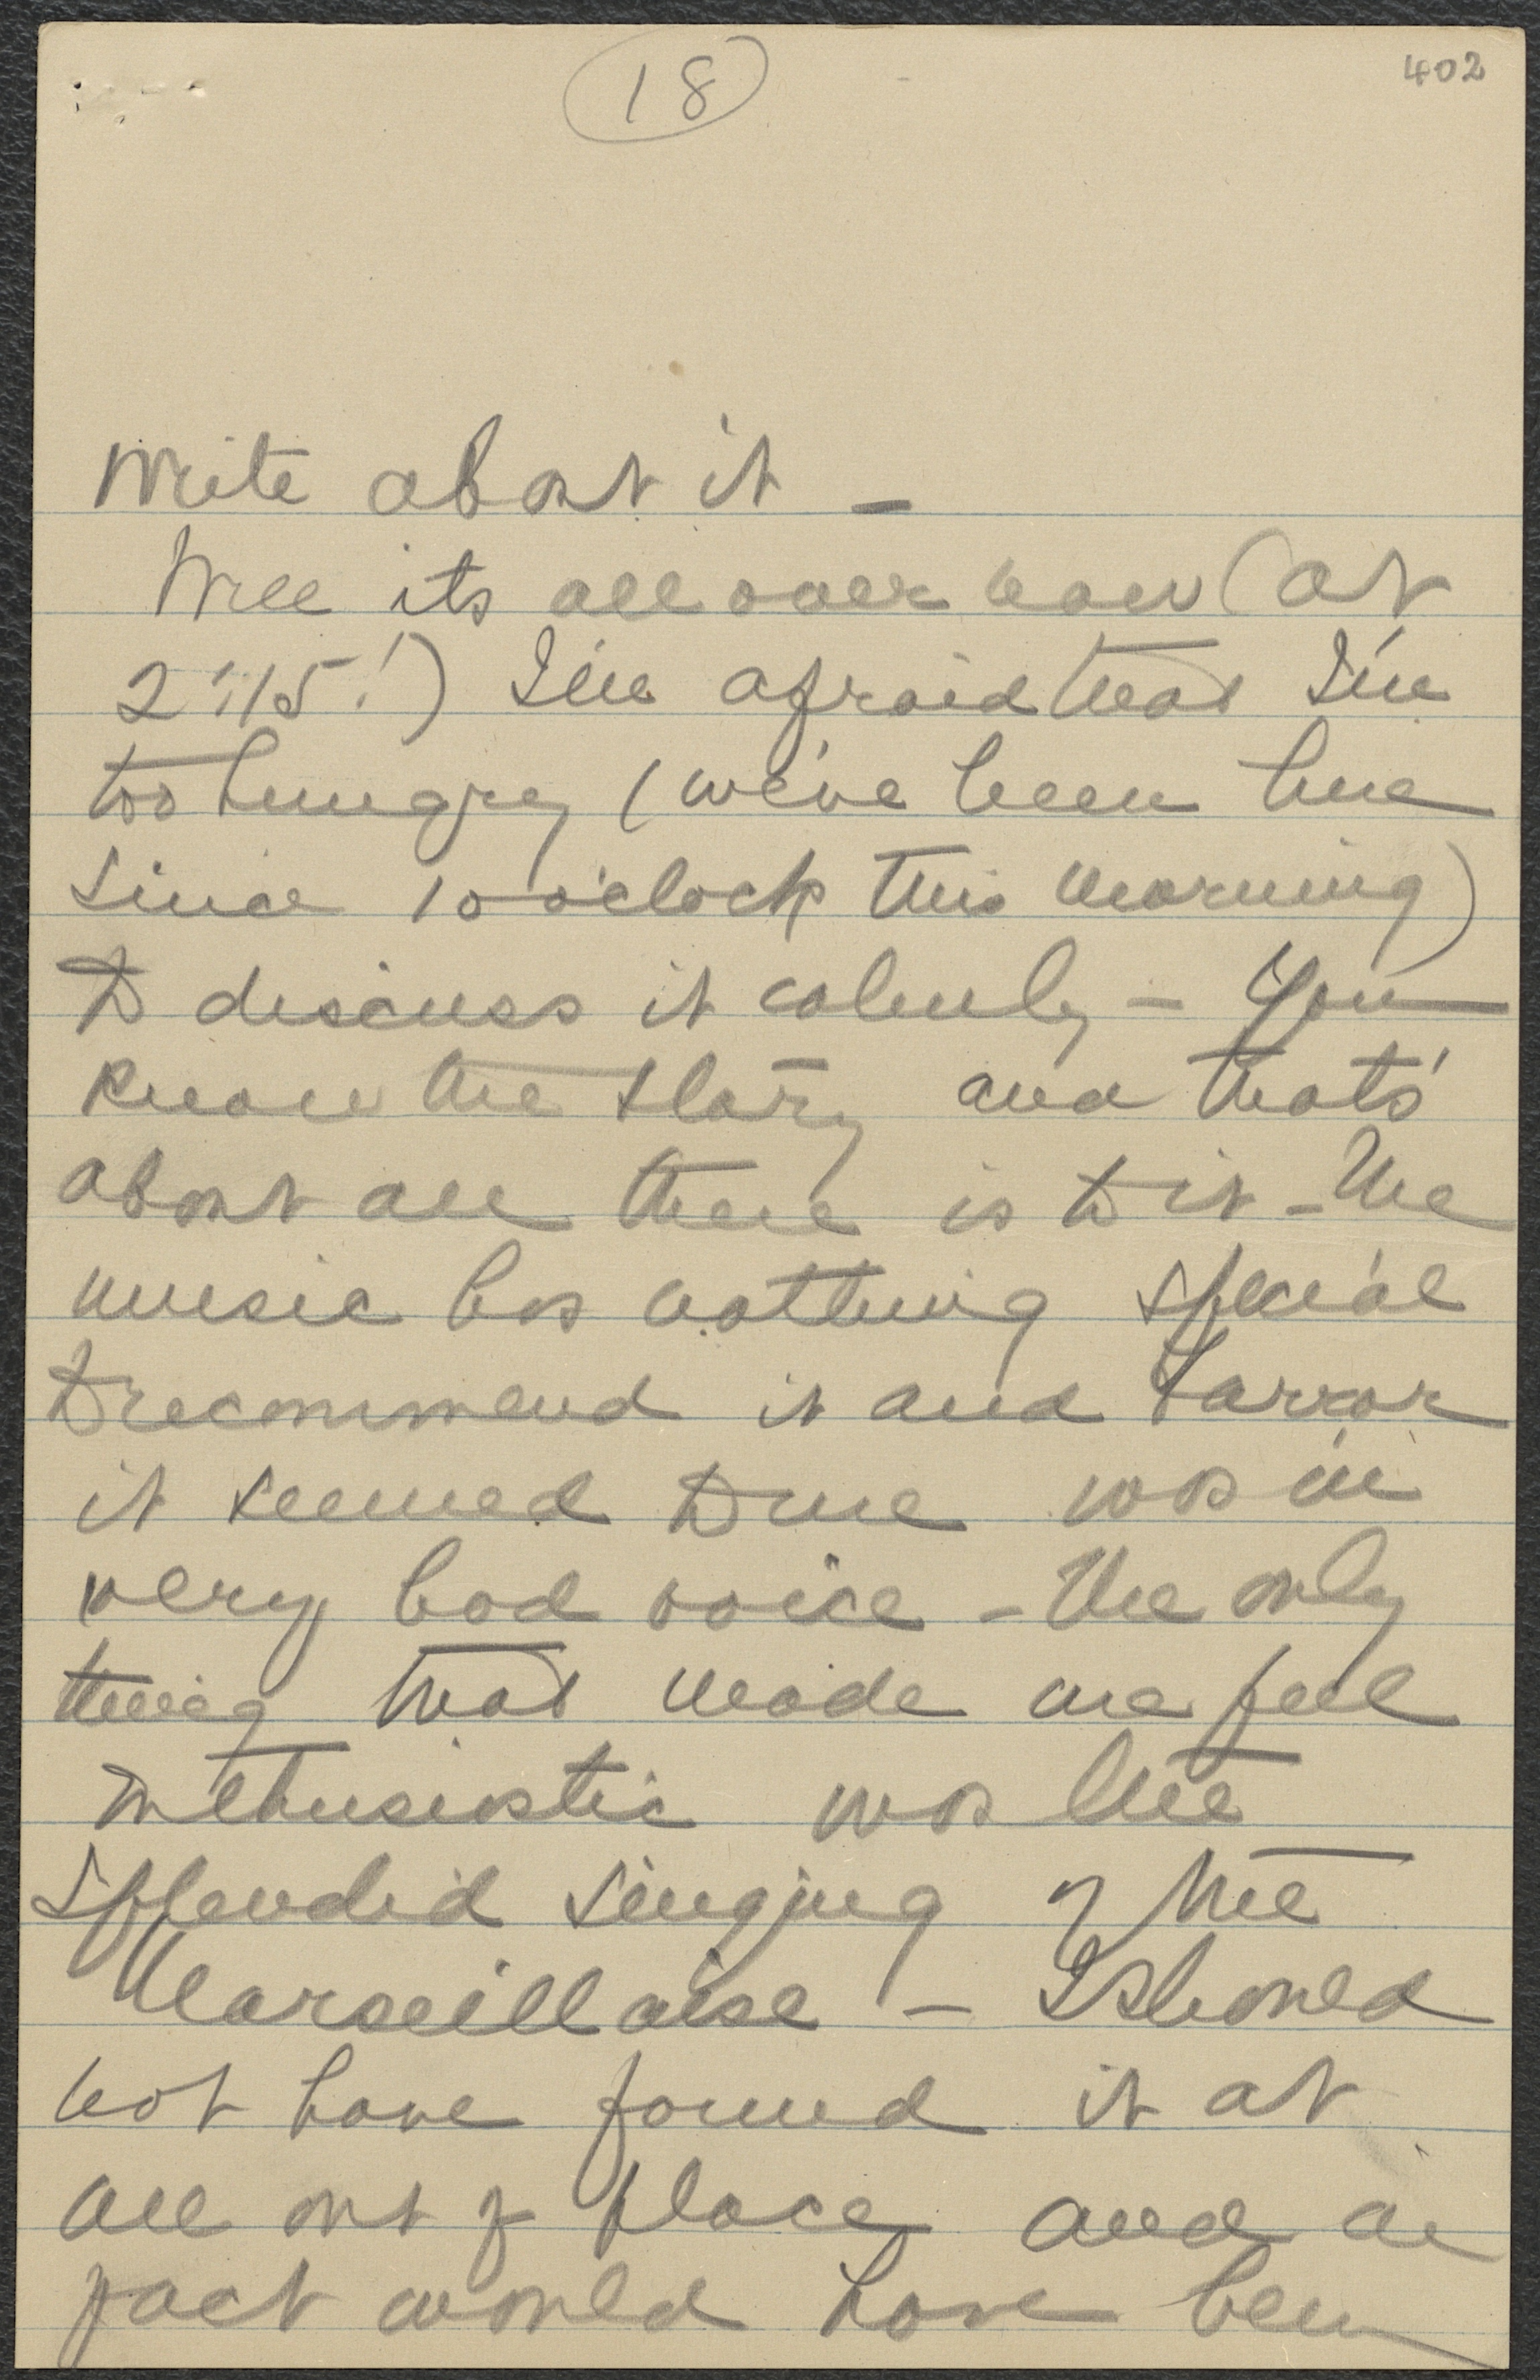write about it –
Well its [sic] all over now (at 2:15!) I’m afraid that I’m too hungry (we’ve been here since 10 o’clock this morning) to discuss it calmly – you know the story and that’s about all there is to it – the music has nothing special to recommend it and Farrar it seemed to me was in very bad voice – the only thing that made me feel enthusiastic was the splendid singing of the Marseillaise – I should not have found it at all out of place and in fact would have been